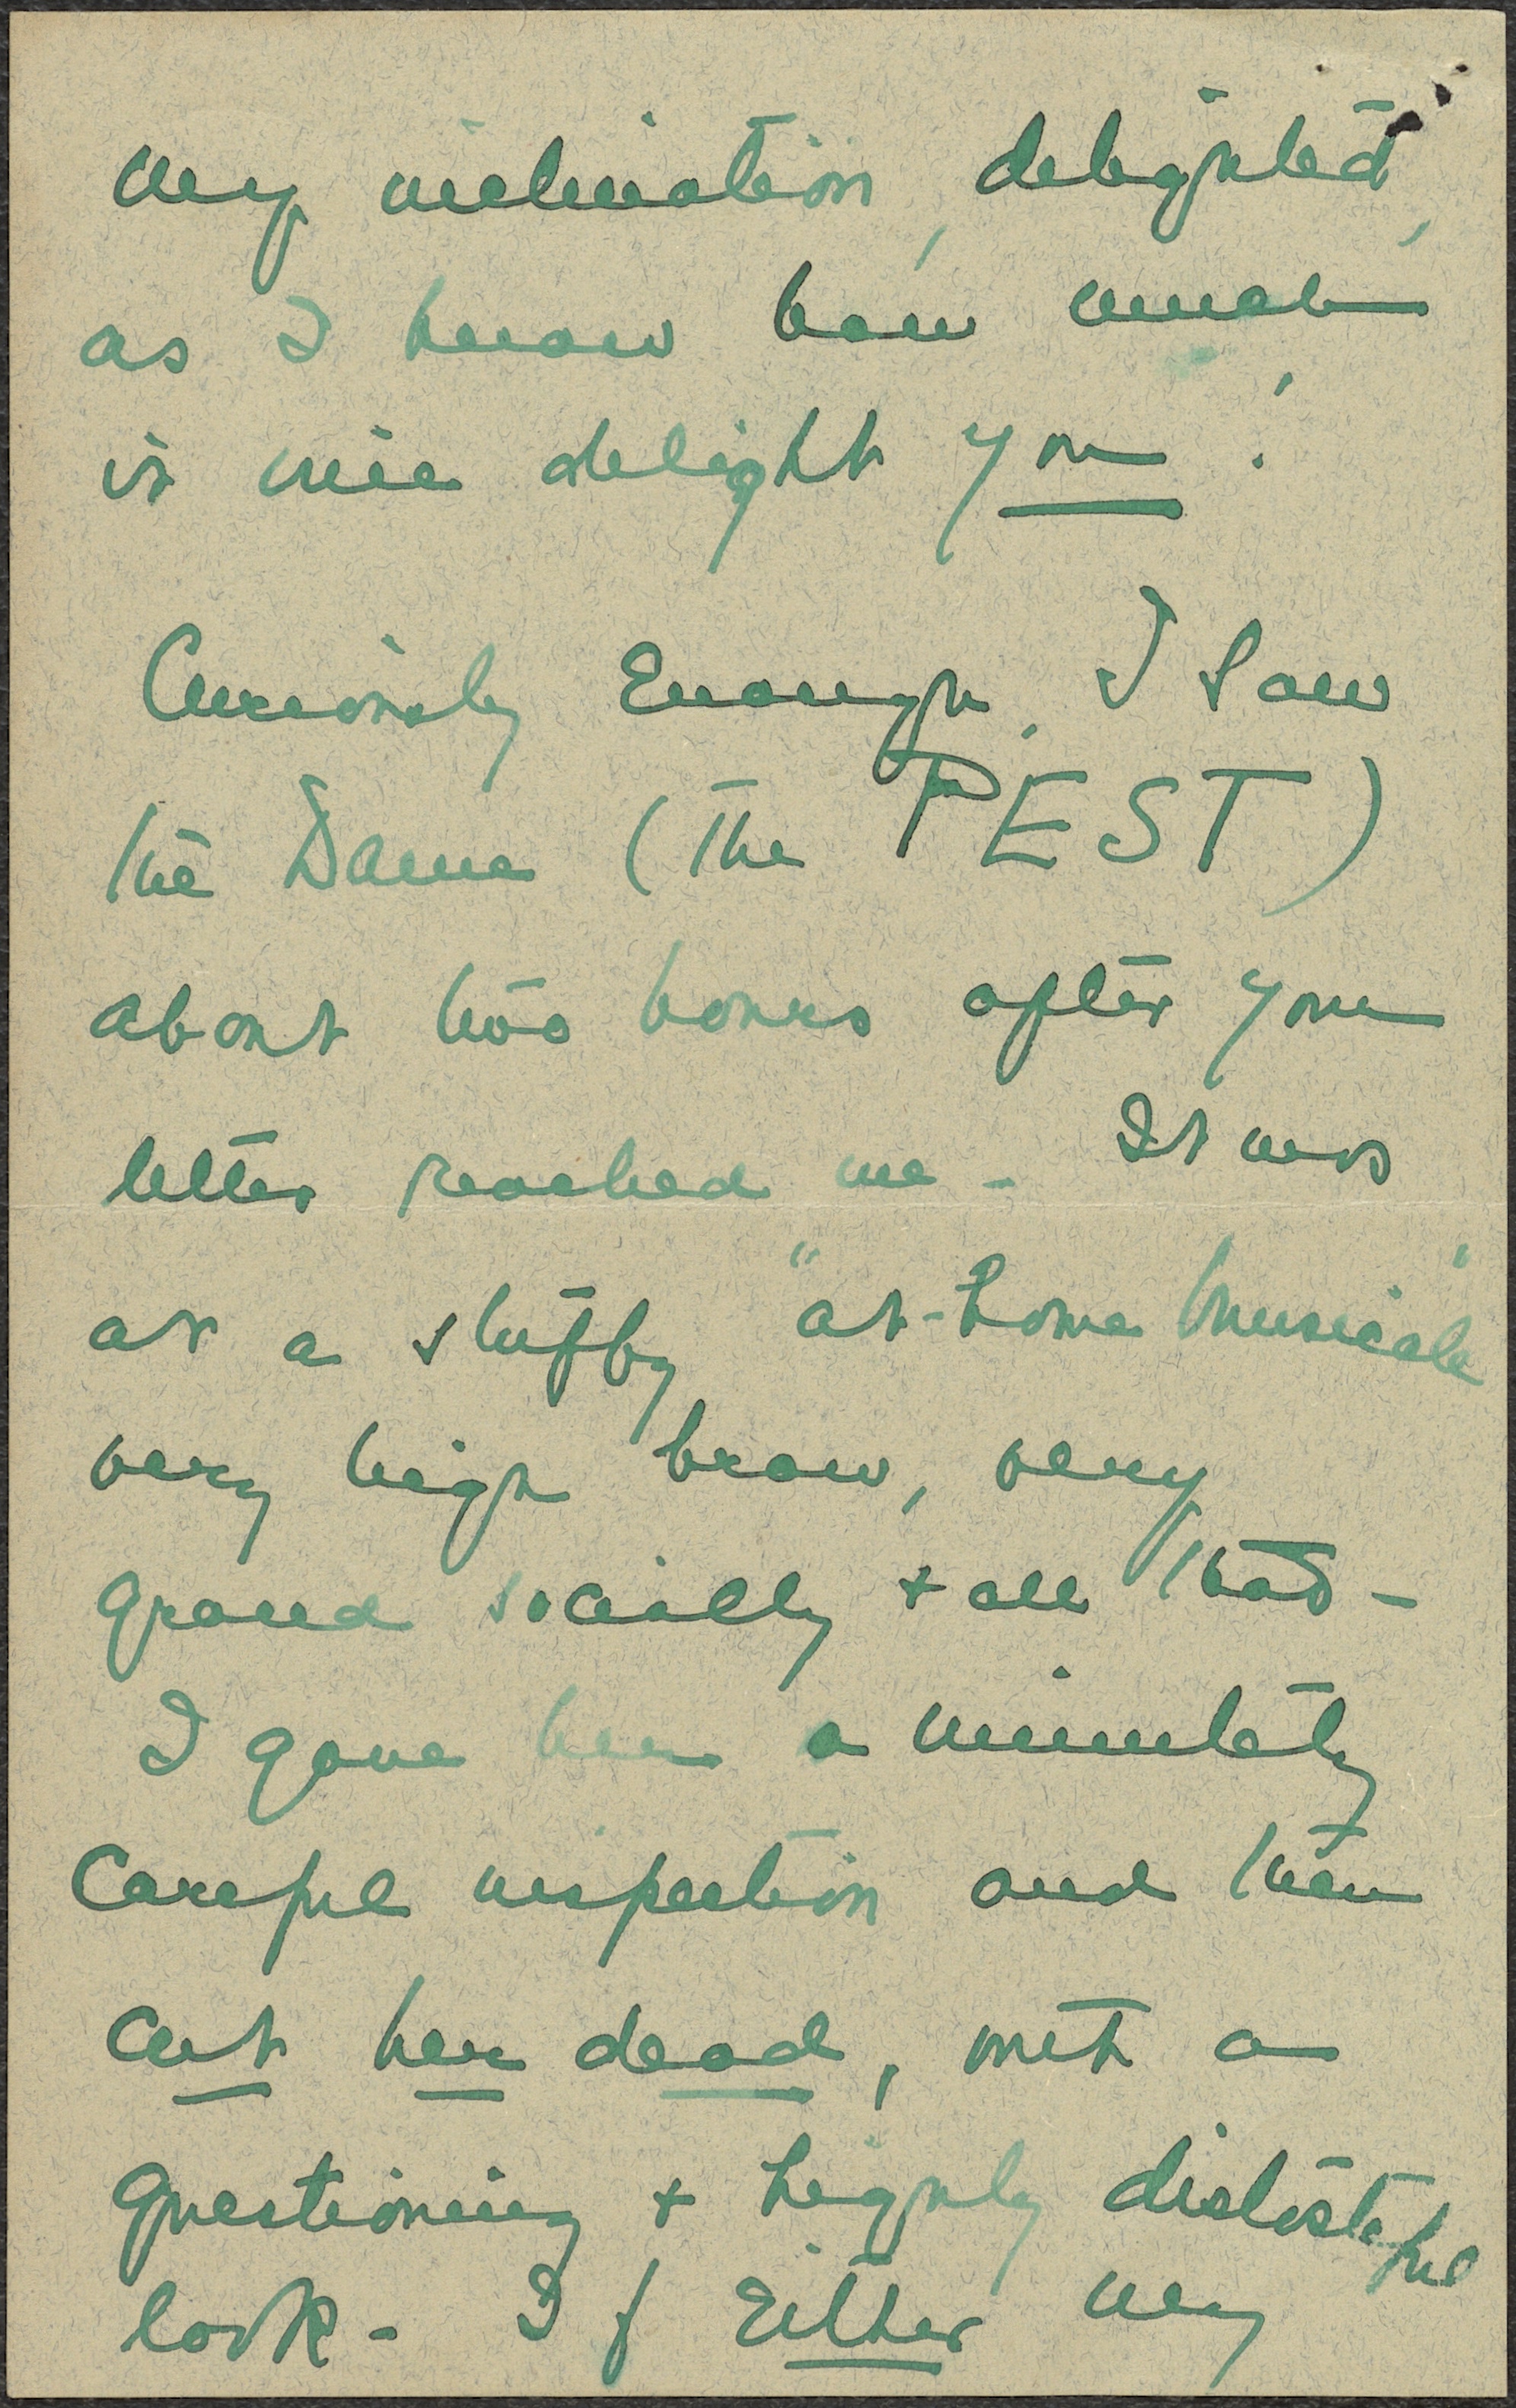my inclination, delighted, as I know how much it will delight you!
Curiously enough, I saw the Dame (the PEST) about two hours after your letter reached me – It was at a stuffy “at-home musicale” very high brow, very grand socially & all that –
I gave her a minutely careful inspection and then cut her dead, with a questioning & highly distasteful look – If either my